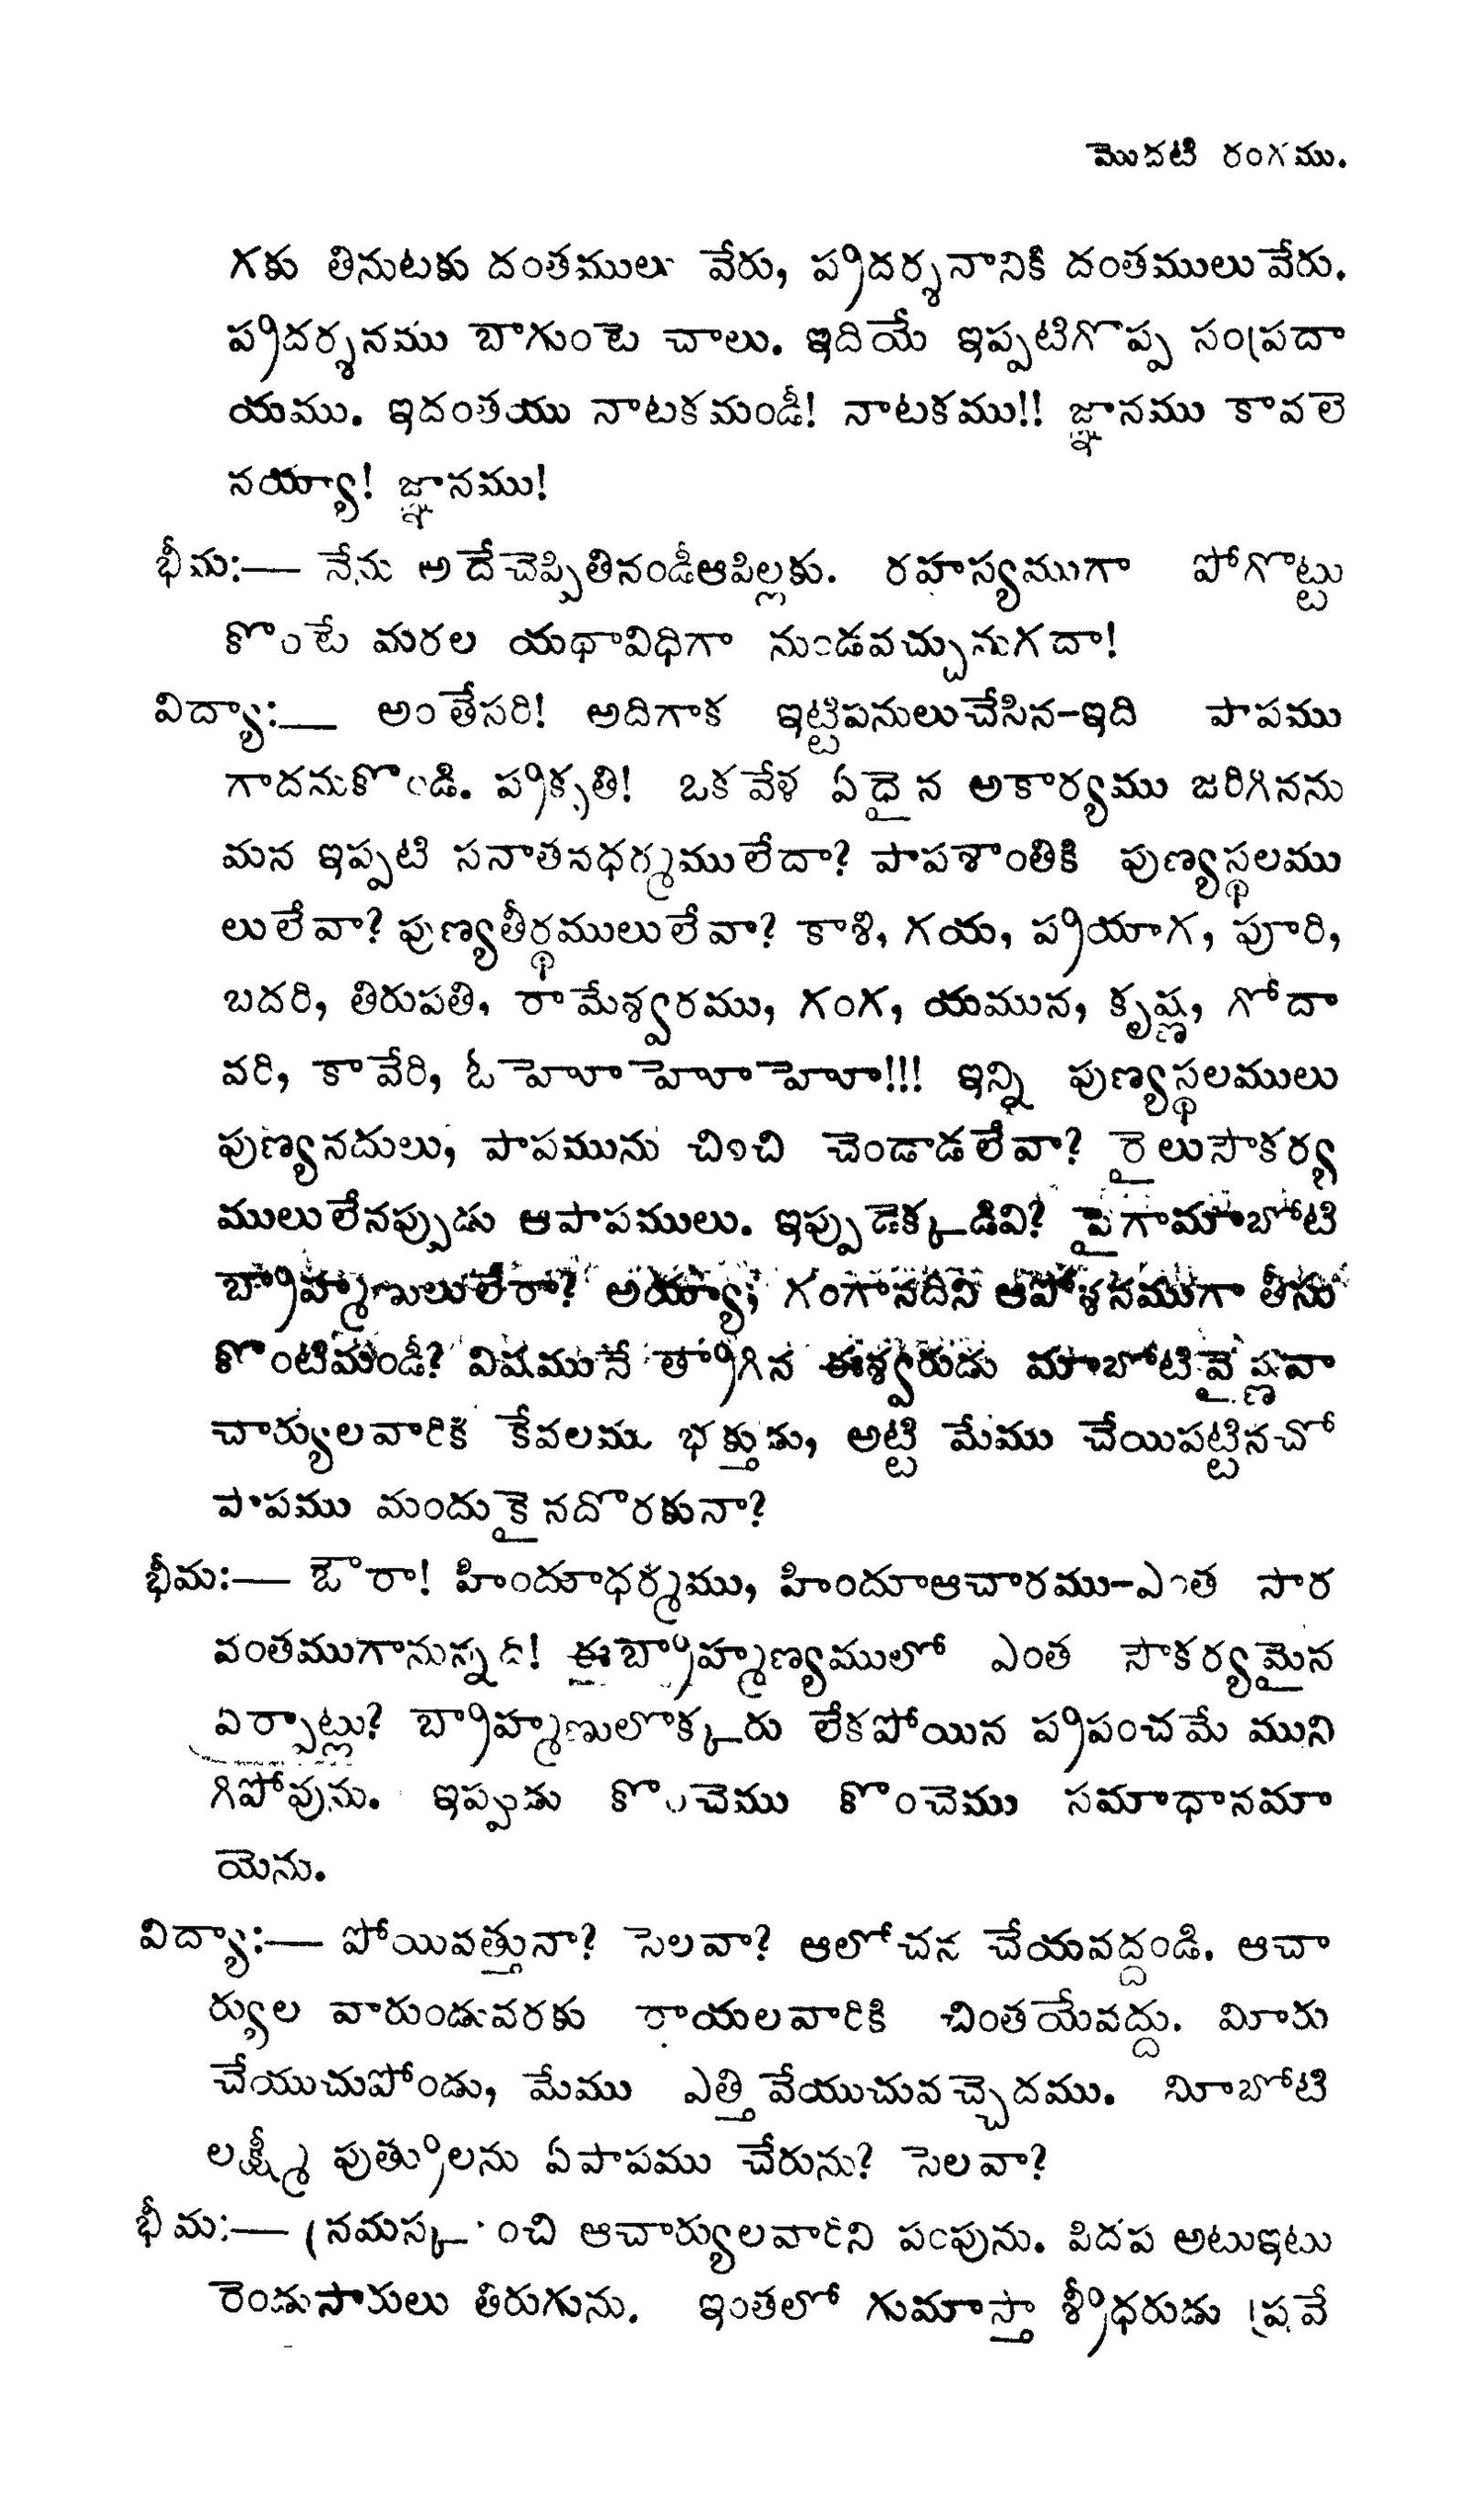గకు తినుటకు దంతములు వేరు, ప్రదర్శనానికి దంతములు వేరు. ప్రదర్శనము బాగుంటె చాలు, ఇదియే ఇప్పటిగొప్ప సంప్రదాయము, ఇదంతయు, నాటకమండీ! నాటకము! జ్ఞానము కావలె నయ్యా! జ్ఞానము!

భీమ:-- నేను అదేచెప్పితినండీ ఆపిల్లకు రహస్యముగా పోగొట్టు కొంటే మరల యధావిధిగా నుండవచ్చునుగదా!

విద్యా:--అంతేసరి! అదిగాక ఇట్టిపనులు చేసిన-ఇది పాపము గాదనుకొండి. ప్రకృతి! ఒకవేళ ఏదైన అకార్యము జరిగినను మన ఇప్పటి సనాతనన ధర్మము లేదా? పాపశాంతికి పుణ్యస్ధలములులేవా/ కాశి, గయ, ప్రయాగ, పూరి, బదరి, కావేరి, ఒహోహోహొ!!! ఇన్ని పుణ్యస్ధలములు పుణ్యనదులు, పాపమును చించి చెండాడలేవా/ రైలుసౌకర్యములు లేనప్పుడు ఆ పాపములు, ఇప్పుడెక్కడివి ? పైగామాబోటి బ్రాహ్మణులు లేరా? అయ్యా! గంగానదిని అపోశనముగా తీసుకొంటిమండి. విషమునే త్రాగిన ఈశ్వరుడు మాబోటి వైష్ణవాచార్యు వారికి కేవలము భక్తుడు, అట్టి మేము చేయిపట్టినచో పాపం మందుకైనదొరకునా?

భీమ:--ఔరా!హిందూధర్మము, హిందూ ఆచారము ఎంత సారవంతముగానున్నది! ఈబ్రాహ్మణ్యములో ఎంత సౌకర్యమైన ఏర్పాట్లు? బ్రహ్మణులొక్కరు లేకపోయిన ప్రపంచమే మునిగిపొవును. ఇప్పుడు కొంచెము కొంచెము సమాధాన మాయెను.

విద్యా:--పోయివత్తునా? సెలవా? ఆలోచన చేయవద్దండి. ఆచార్యుల వారుండువరకు రాయలవారికి చింతయేవద్దు. మీరు చేయుచూపొండు, మేము ఎత్తివేయుచు వచ్చెదము. మీబోటి లక్మీపుత్రులను ఏపాపము చేరదు? సెలవా?

భీమ:--నమస్కరించి ఆచార్యులవారిని పంపును. పిదప అటు ఇటు రెండు సారులు తిరుగును. ఇంతలో గుమాస్తా శ్రీధరుడు ప్రవే